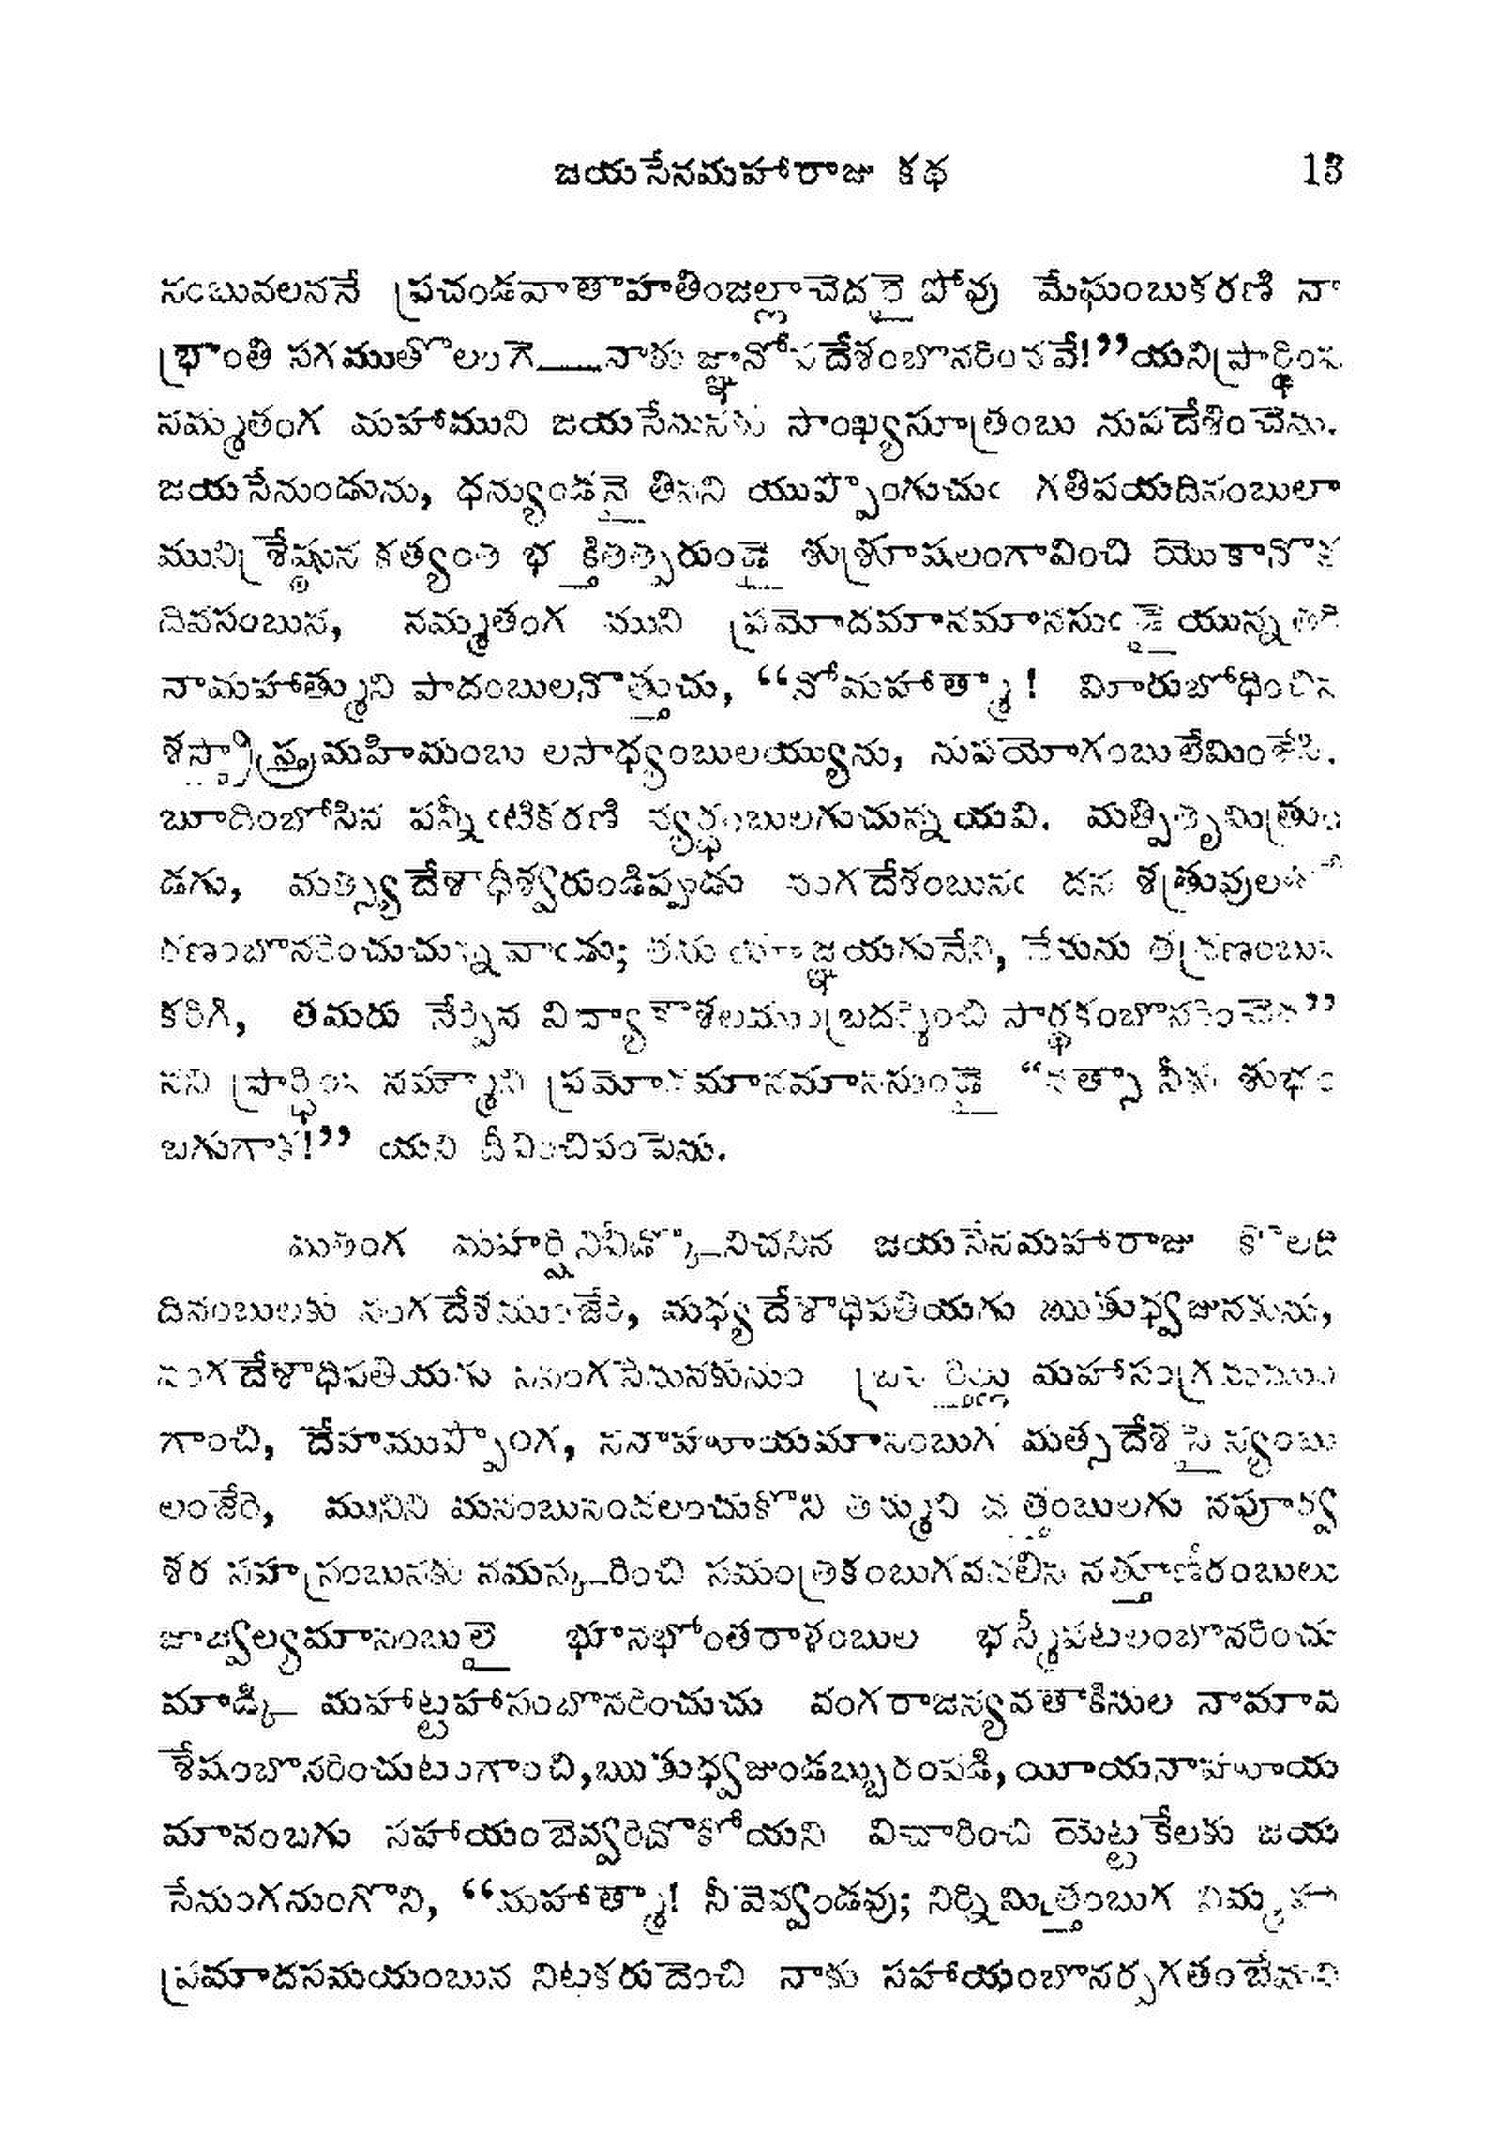నంబువలననే ప్రచండవాతాహతింజల్లా చెదరై పోవు మేఘంబుకరణి నా భ్రాంతి సగముతొలంగె—— నాకు జ్ఞానోప దేశంబొనరింపవే!" యని ప్రార్థింప సమ్మతంగ మహాముని జయసేనునకు సాంఖ్యసూత్రంబు నుపదేశించెను. జయసేనుండును, ధన్యుండనై తినని యుప్పొంగుచుఁ గతిపయదినంబులాముని శ్రేష్ఠున కత్యంత భక్తితత్పరుండై శుశ్రూషలంగావించి యొకానొక దినసంబుస, నమ్మతంగ ముని ప్రమోదమాన మానసుఁడై యున్నతరి నామహాత్ముని పాదంబుల నొత్తుచు, “నోమహాత్మా ! మీరుబోధించిన శస్త్రాస్త్ర మహిమంబు లసాధ్యంబులయ్యును, నుపయోగంబు లేమింజేసి, బూడింబోసిన పన్నీఁటికరణి వ్యర్ధంబులగుచున్నయవి. మత్పిత్రు మిత్రుండగు, మత్స్య దేశాధీశ్వరుండిప్పుడు వంగ దేశంబునఁ దన శత్రువులతో రణంబొనరించుచున్నవాఁడు, తమ యాజ్జ యగునేని, నేనును తద్రణంబున కరిగి, తమరు నేర్చిన విద్యా కౌశలముం బ్రదర్శించి సార్థకంబొనరించెద" నని ప్రార్ధింప నమ్మౌని ప్రమోదమానమానసుండై "వత్సా నీకు శుభంబగుగాక!" యని దీవించిపంపెను.

మతంగ మహర్షినివీడ్కోనిచనిన జయసేన మహారాజు కోలది దినంబులకు వంగ దేశముం జేరి, మధ్య దేశాధిపతియగు ఋతుద్వజునకును ,
వంగ దేశాధిపతి యగు సనంగసేనునకునుం బ్రవర్తిల్లు మహాసంగ్రామముల గాంచి, దేహముప్పొంగ, సనాహూయమానంబుగ మత్సదేశ సైన్యంబులంజేరి, మునిని మనంబునందలంచుకొని తమ్మని దత్తంబులగు నపూర్వ శర సహస్రంబునకు నమస్కరించి సమంత్రికంబుగ వదలిన నత్తూణీరంబులు జాజ్వల్యమానంబులై భూనభోంతరాళంబుల భస్మీపటలంబోనరించు మాడ్కి మహాట్టహాసం బొనరించుచు వంగరాజన్యవ తాకినుల నామావశేషంబొనరించుటం గాంచి, ఋతుధ్వజుండబ్బురంపడి, యీయనాహూయ మానంబగు సహాయం బెవ్వరిదోకోయని విచారించి యెట్టకేలకు జయసేనుంగనుంగొని, “మహాత్మా! నీ వెవ్వండవు; నిర్నిమిత్తంబుగ నిమ్మహా ప్రమాదసమయంబున నిటకరుదెంచి నాకు సహాయంబొనర్ప గతం బేమని